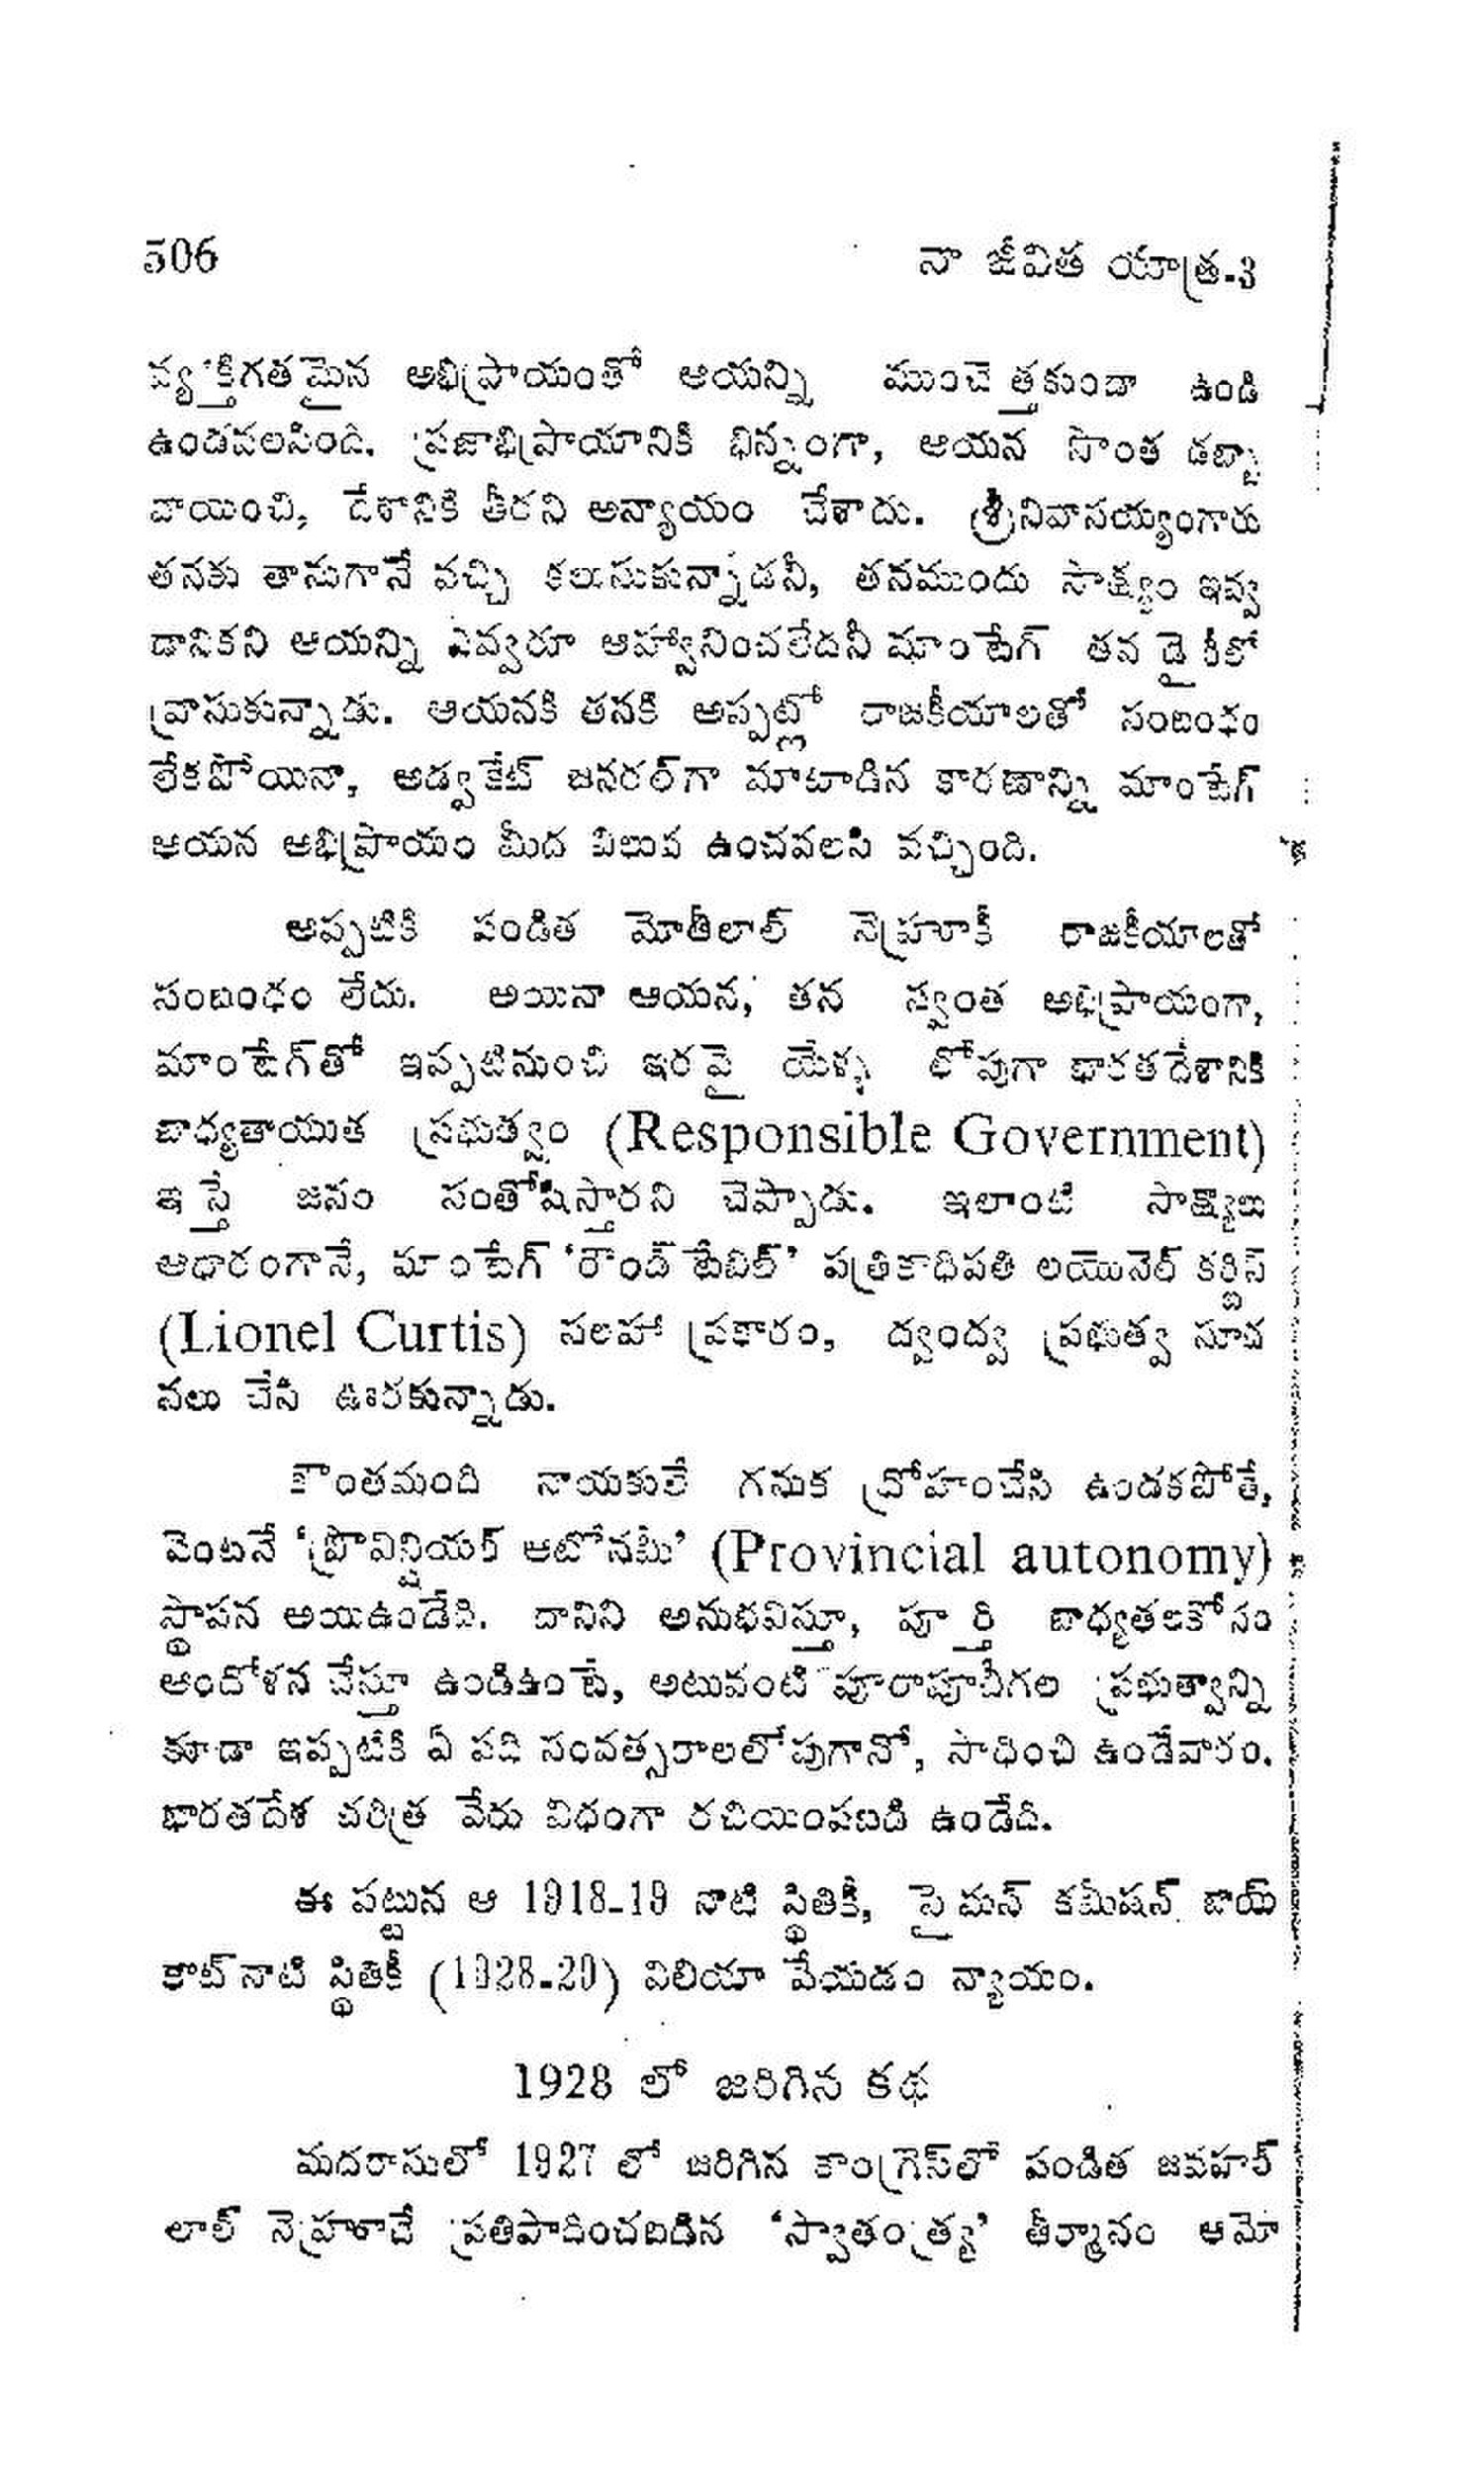వ్యక్తిగతమైన అభిప్రాయంతో ఆయన్ని ముంచెత్తకుండా ఉండి ఉండవలసింది. ప్రజాభిప్రాయానికి భిన్నంగా, ఆయన సొంత డబ్బా వాయించి, దేశానికి తీరని అన్యాయం చేశాడు. శ్రీనివాసయ్యంగారు తనకు తానుగానే వచ్చి కలుసుకున్నాడనీ, తనముందు సాక్ష్యం ఇవ్వడానికని ఆయన్ని ఎవ్వరూ ఆహ్వానించలేదనీ మాంటేగ్ తన డైరీలో వ్రాసుకున్నాడు. ఆయనకి తనకి అప్పట్లో రాజకీయాలతో సంబంధం లేకపోయినా, అడ్వకేట్ జనరల్‌గా మాటాడిన కారణాన్ని మాంటేగ్ ఆయన అభిప్రాయం మీద విలువ ఉంచవలసి వచ్చింది.

అప్పటికి పండిత మోతీలాల్ నెహ్రూకీ రాజకీయాలతో సంబంధం లేదు. అయినా ఆయన, తన స్వంత అభిప్రాయంగా, మాంటేగ్‌తో ఇప్పటినుంచి ఇరవై యేళ్ళ లోపుగా భారత దేశానికి బాధ్యతాయుత ప్రభుత్వం (Responsible Government) ఇస్తే జనం సంతోషిస్తారని చెప్పాడు. ఇలాంటి సాక్ష్యాలు ఆధారంగానే, మాంటేగ్ 'రౌండ్ టేబిల్‌' పత్రికాధిపతి లయొనెల్ కర్టిస్ (Lionel Curtis) సలహా ప్రకారం, ద్వంద్వ ప్రభుత్వ సూచనలు చేసి ఊరుకున్నాడు.

కొంతమంది నాయకులే గనుక ద్రోహంచేసి ఉండకపోతే, వెంటనే 'ప్రొవిన్షియల్ ఆటోనమీ' (Provincial autonomy) స్థాపన అయిఉండేది. దానిని అనుభవిస్తూ, పూర్తి బాధ్యతలకోసం ఆందోళనచేస్తూ ఉండిఉంటే, అటువంటి పూరాపూచీగల ప్రభుత్వాన్ని కూడా ఇప్పటికీ ఏ పది సంవత్సరాలలోపుగానో, సాధించి ఉండేవారం. భారతదేశ చరిత్ర వేరు విధంగా రచియింపబడి ఉండేది.

ఈ పట్టున ఆ 1918 - 19 నాటి స్థితికీ, సైమన్ కమీషన్ బాయ్‌కాట్ నాటి స్థితికీ (1928 - 29) విలియా వేయడం న్యాయం.

మదరాసులో 1927 లో జరిగిన కాంగ్రెస్‌లో పండిత జవహర్‌లాల్ నెహ్రూచే ప్రతిపాదించబడిన 'స్వాతంత్ర్య' తీర్మానం ఆమో